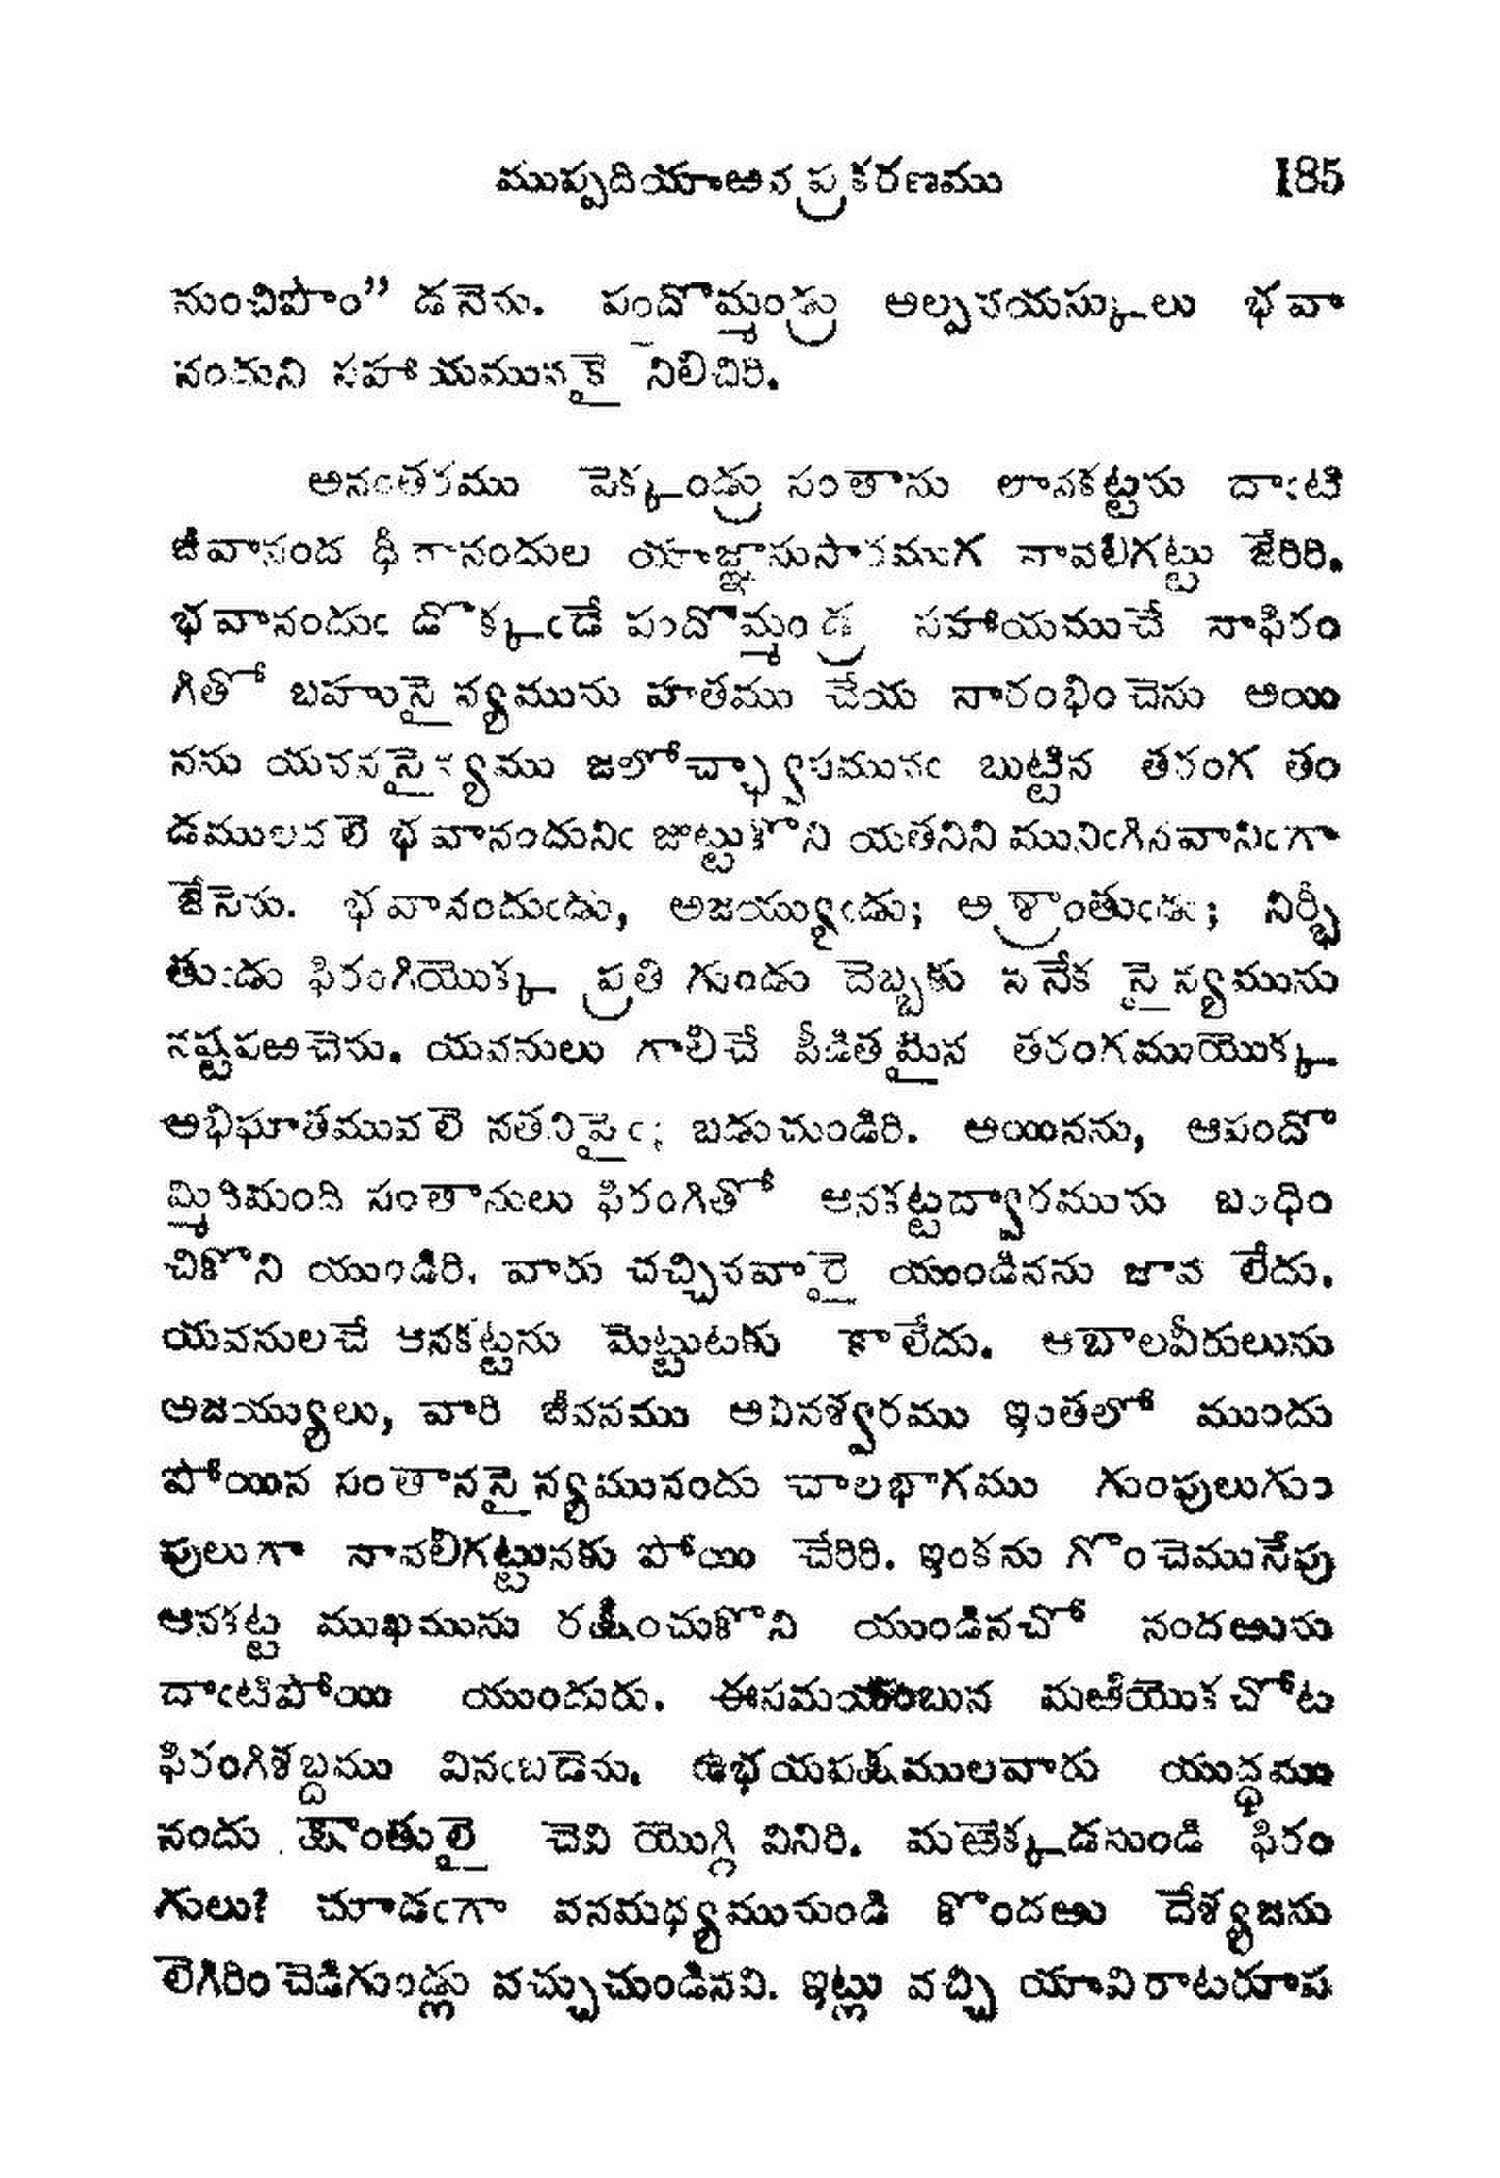నుంచి పొం” డనెను. పందొమ్మండ్రు అల్పవయస్కులు భవానందుని సహాయమునకై నిలిచిరి.

అనంతము పెక్కండ్రు సంతాను లానకట్టను దాఁటి జీవానంద ధీరానందుల యాజ్ఞానుసారముగ నావలిగట్టు జేరిరి.
భవానండుఁ డొక్కఁడే పందొమ్మండ్ర సహాయముచే నాఫిరంగితో బహుసైన్యమును హతము చేయ నారంభించెసు అయినను యవన సైన్యము జలోచ్ఛ్వాసమునఁ బుట్టిన తరంగ తండములవలె భవానందునిఁ జుట్టుకొని యతనిని మునిఁగినవానిఁగా
జేసెను. భవానందుఁడు, అజయ్యుఁడు; అశ్రాంతుడు; నిర్భీతుఁడు ఫిరంగియొక్క ప్రతి గుండు దెబ్బకు ననేక సైన్యమును
నష్టపఱచెను. యవనులు గాలిచే పీడితమైన తరంగముయొక్క, అభిఘాతమువలె నతనిపైఁ; బడుచుండిరి. అయినను, ఆపందొమ్మిదిమంది సంతానులు ఫిరంగితో ఆనకట్ట ద్వారమును బంధించికొని యుండిరి. వారు చచ్చినవారై యుండినను జావ లేదు. యవనులచే ఆనకట్టను మెట్టుటకు కాలేదు. ఆ బాలవీరులును అజయ్యులు, వారి జీవనము అవినశ్వరము ఇంతలో ముందు పోయిన సంతాన సైన్యమునందు చాలభాగము గుంపులుగుంపులుగా నావలిగట్టునకు పోయి చేరిరి. ఇంకను గొంచెముసేపు ఆనకట్ట ముఖమును రక్షించుకొని యుండినచో నందఱును దాటిపోయి యుందురు. ఈసమయంబున మఱియొక చోట ఫిరంగిశబ్దము వినఁబడెను. ఉభయపక్షములవారు యుద్ధము నందు క్షాంతులై చెవి యొగ్గి వినిరి. మఱెక్కడ నుండి ఫిరంగులు? చూడఁగా వనమధ్యమునుండి కొందఱు దేశ్యజను లెగిరిం చెడిగుండ్లు వచ్చుచుండినవి. ఇట్లు వచ్చి యావిరాటరూప